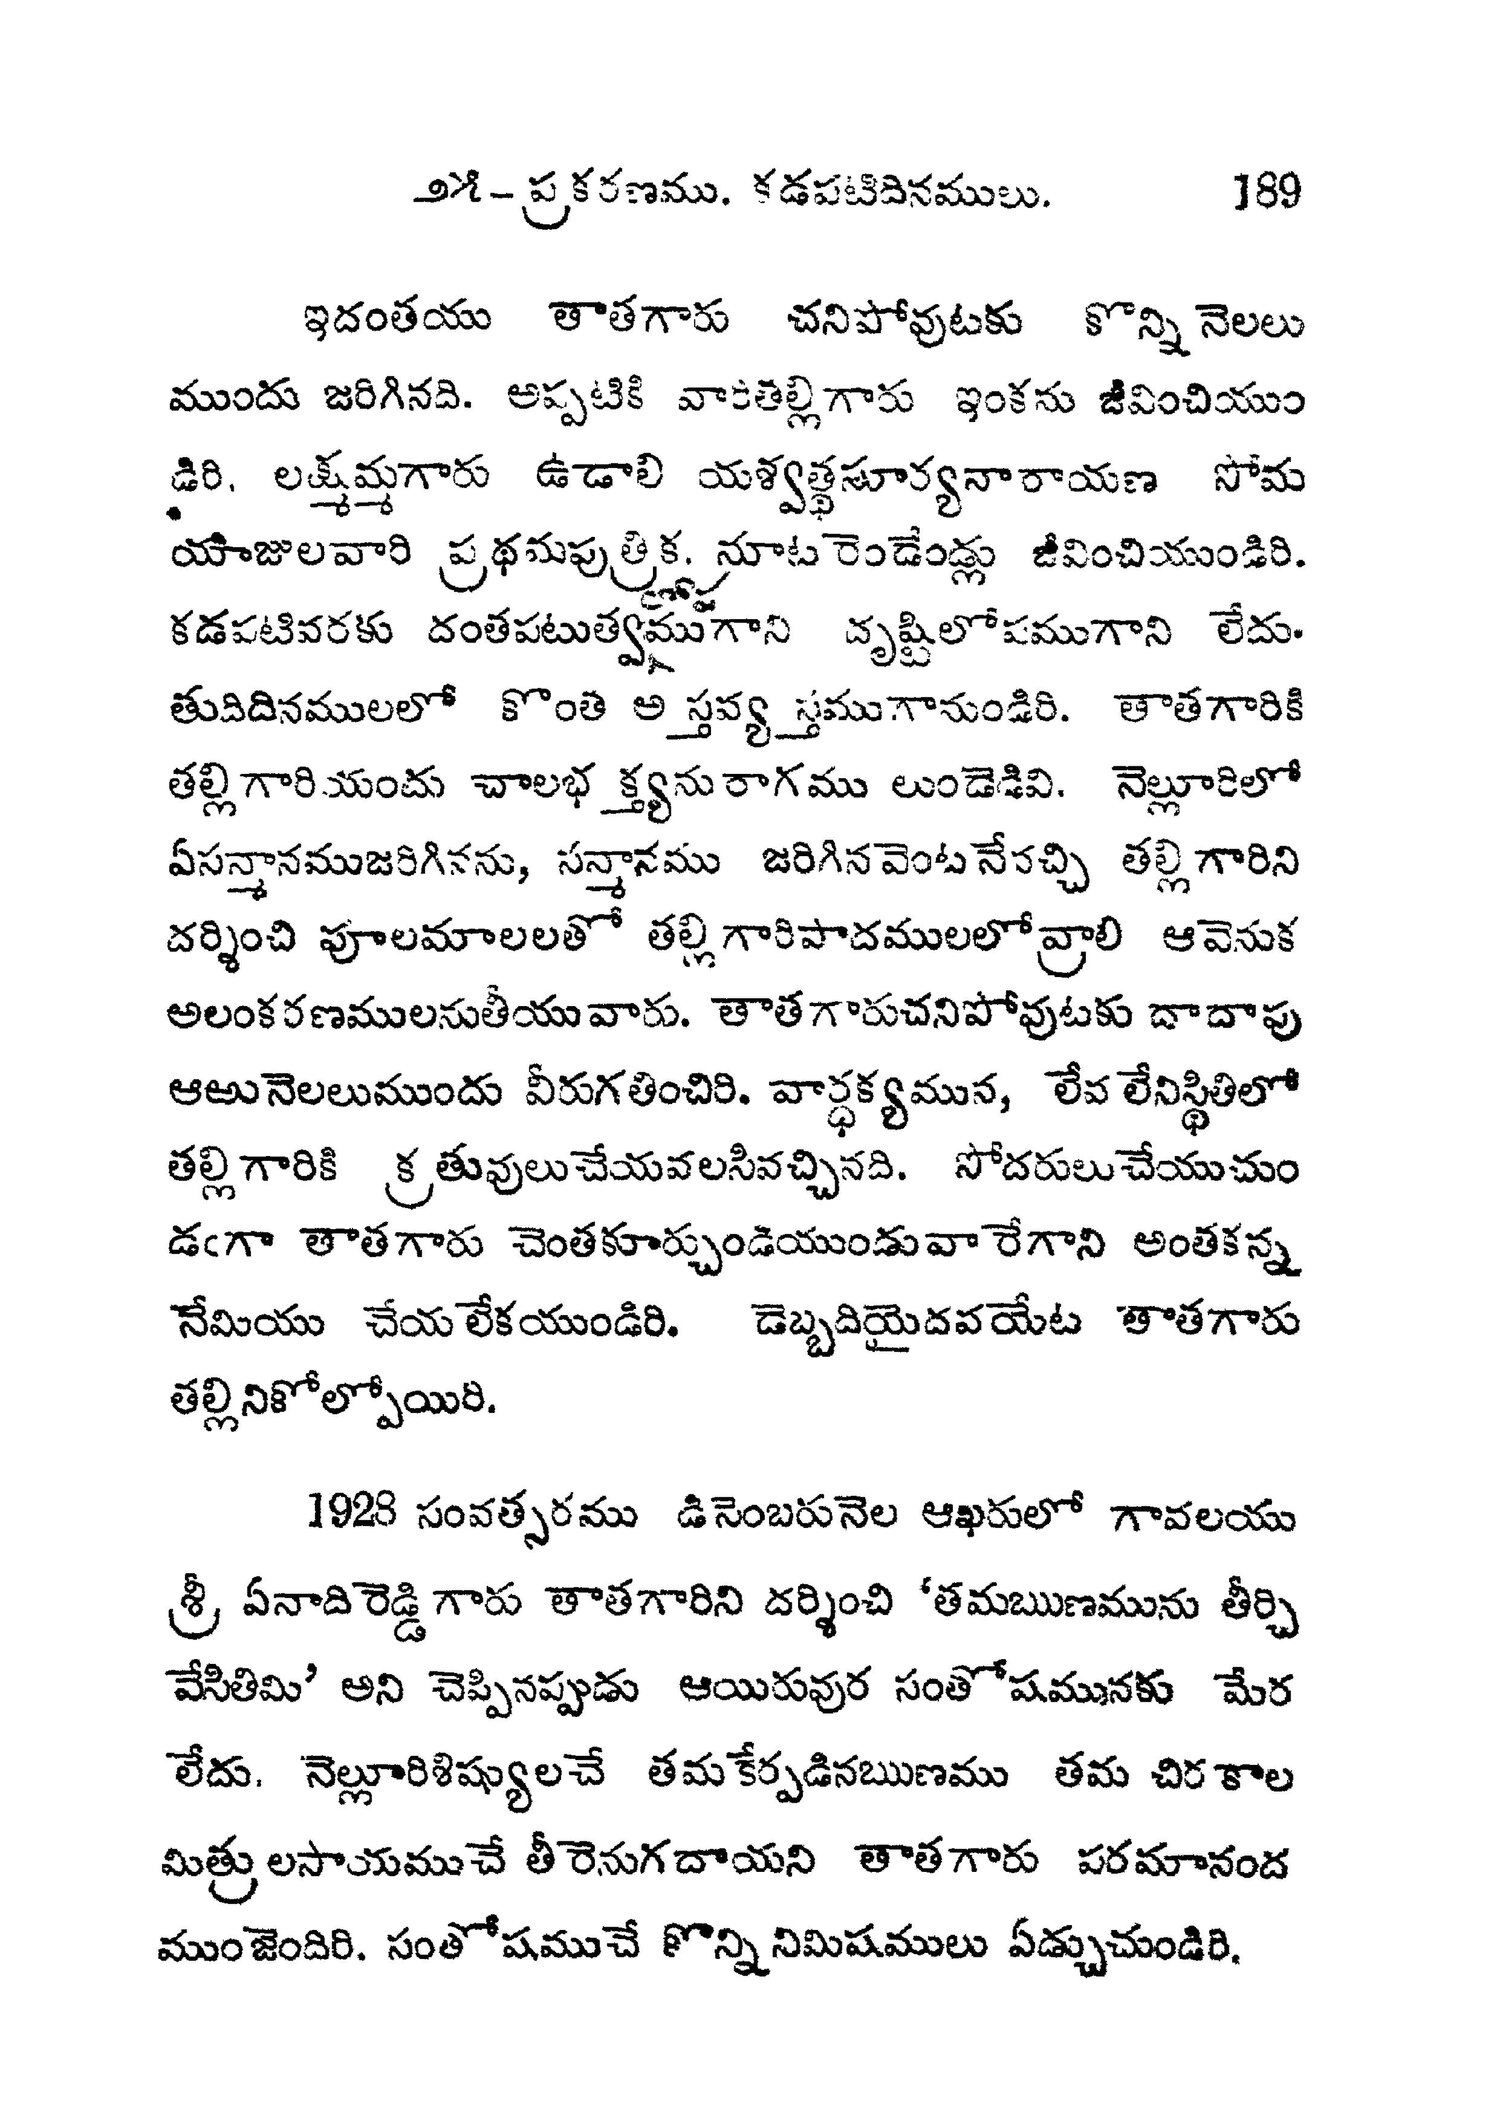ఇదంతయు తాతగారు చనిపోవుటకు కొన్నినెలలు ముందు జరిగినది. అప్పటికి వారితల్లిగారు ఇంకను జీవించియుండిరి. లక్ష్మమ్మగారు ఉడాలి యశ్వత్థసూర్యనారాయణ సోమయాజులవారి ప్రథమపుత్రిక నూటరెండేండ్లు జీవించియుండిరి. కడపటివరకు దంతపటుత్వ లోపముగాని దృష్టిలోపముగాని లేదు. తుదిదినములలో కొంత అస్తవ్యస్తముగా నుండిరి. తాతగారికి తల్లిగారియందు చాలభక్త్యనురాగము లుండెడివి. నెల్లూరిలో ఏసన్మానము జరిగినను, సన్మానము జరిగినవెంటనేవచ్చి తల్లిగారిని దర్శించి పూలమాలలతో తల్లిగారిపాదములలోవ్రాలి ఆవెనుక అలంకరణములను తీయువారు. తాతగారు చనిపోవుటకు దాదాపు ఆఱునెలలు ముందు వీరుగతించిరి. వార్ధక్యమున, లేవలేనిస్థితిలో తల్లిగారికి క్రతువులు చేయవలసివచ్చినది. సోదరులు చేయుచుండగా తాతగారు చెంతకూర్చుండియుండు వారేగాని అంతకన్న నేమియు చేయలేక యుండిరి. డెబ్బదియైదవయేట తాతగారు తల్లినికోల్పోయిరి.

1928 సంవత్సరము డిసెంబరునెల ఆఖరులో గావలయు శ్రీ ఏనాదిరెడ్డి గారు తాతగారిని దర్శించి 'తమఋణమును తీర్చి వేసితిమి' అని చెప్పినప్పుడు ఆయిరువుర సంతోషమునకు మేరలేదు. నెల్లూరిశిష్యులచే తమకేర్పడిన ఋణము తమ చిరకాలమిత్రుల సాయముచే తీరెనుగదాయని తాతగారు పరమానందముంజెందిరి. సంతోషముచే కొన్ని నిమిషములు ఏడ్చుచుండిరి.